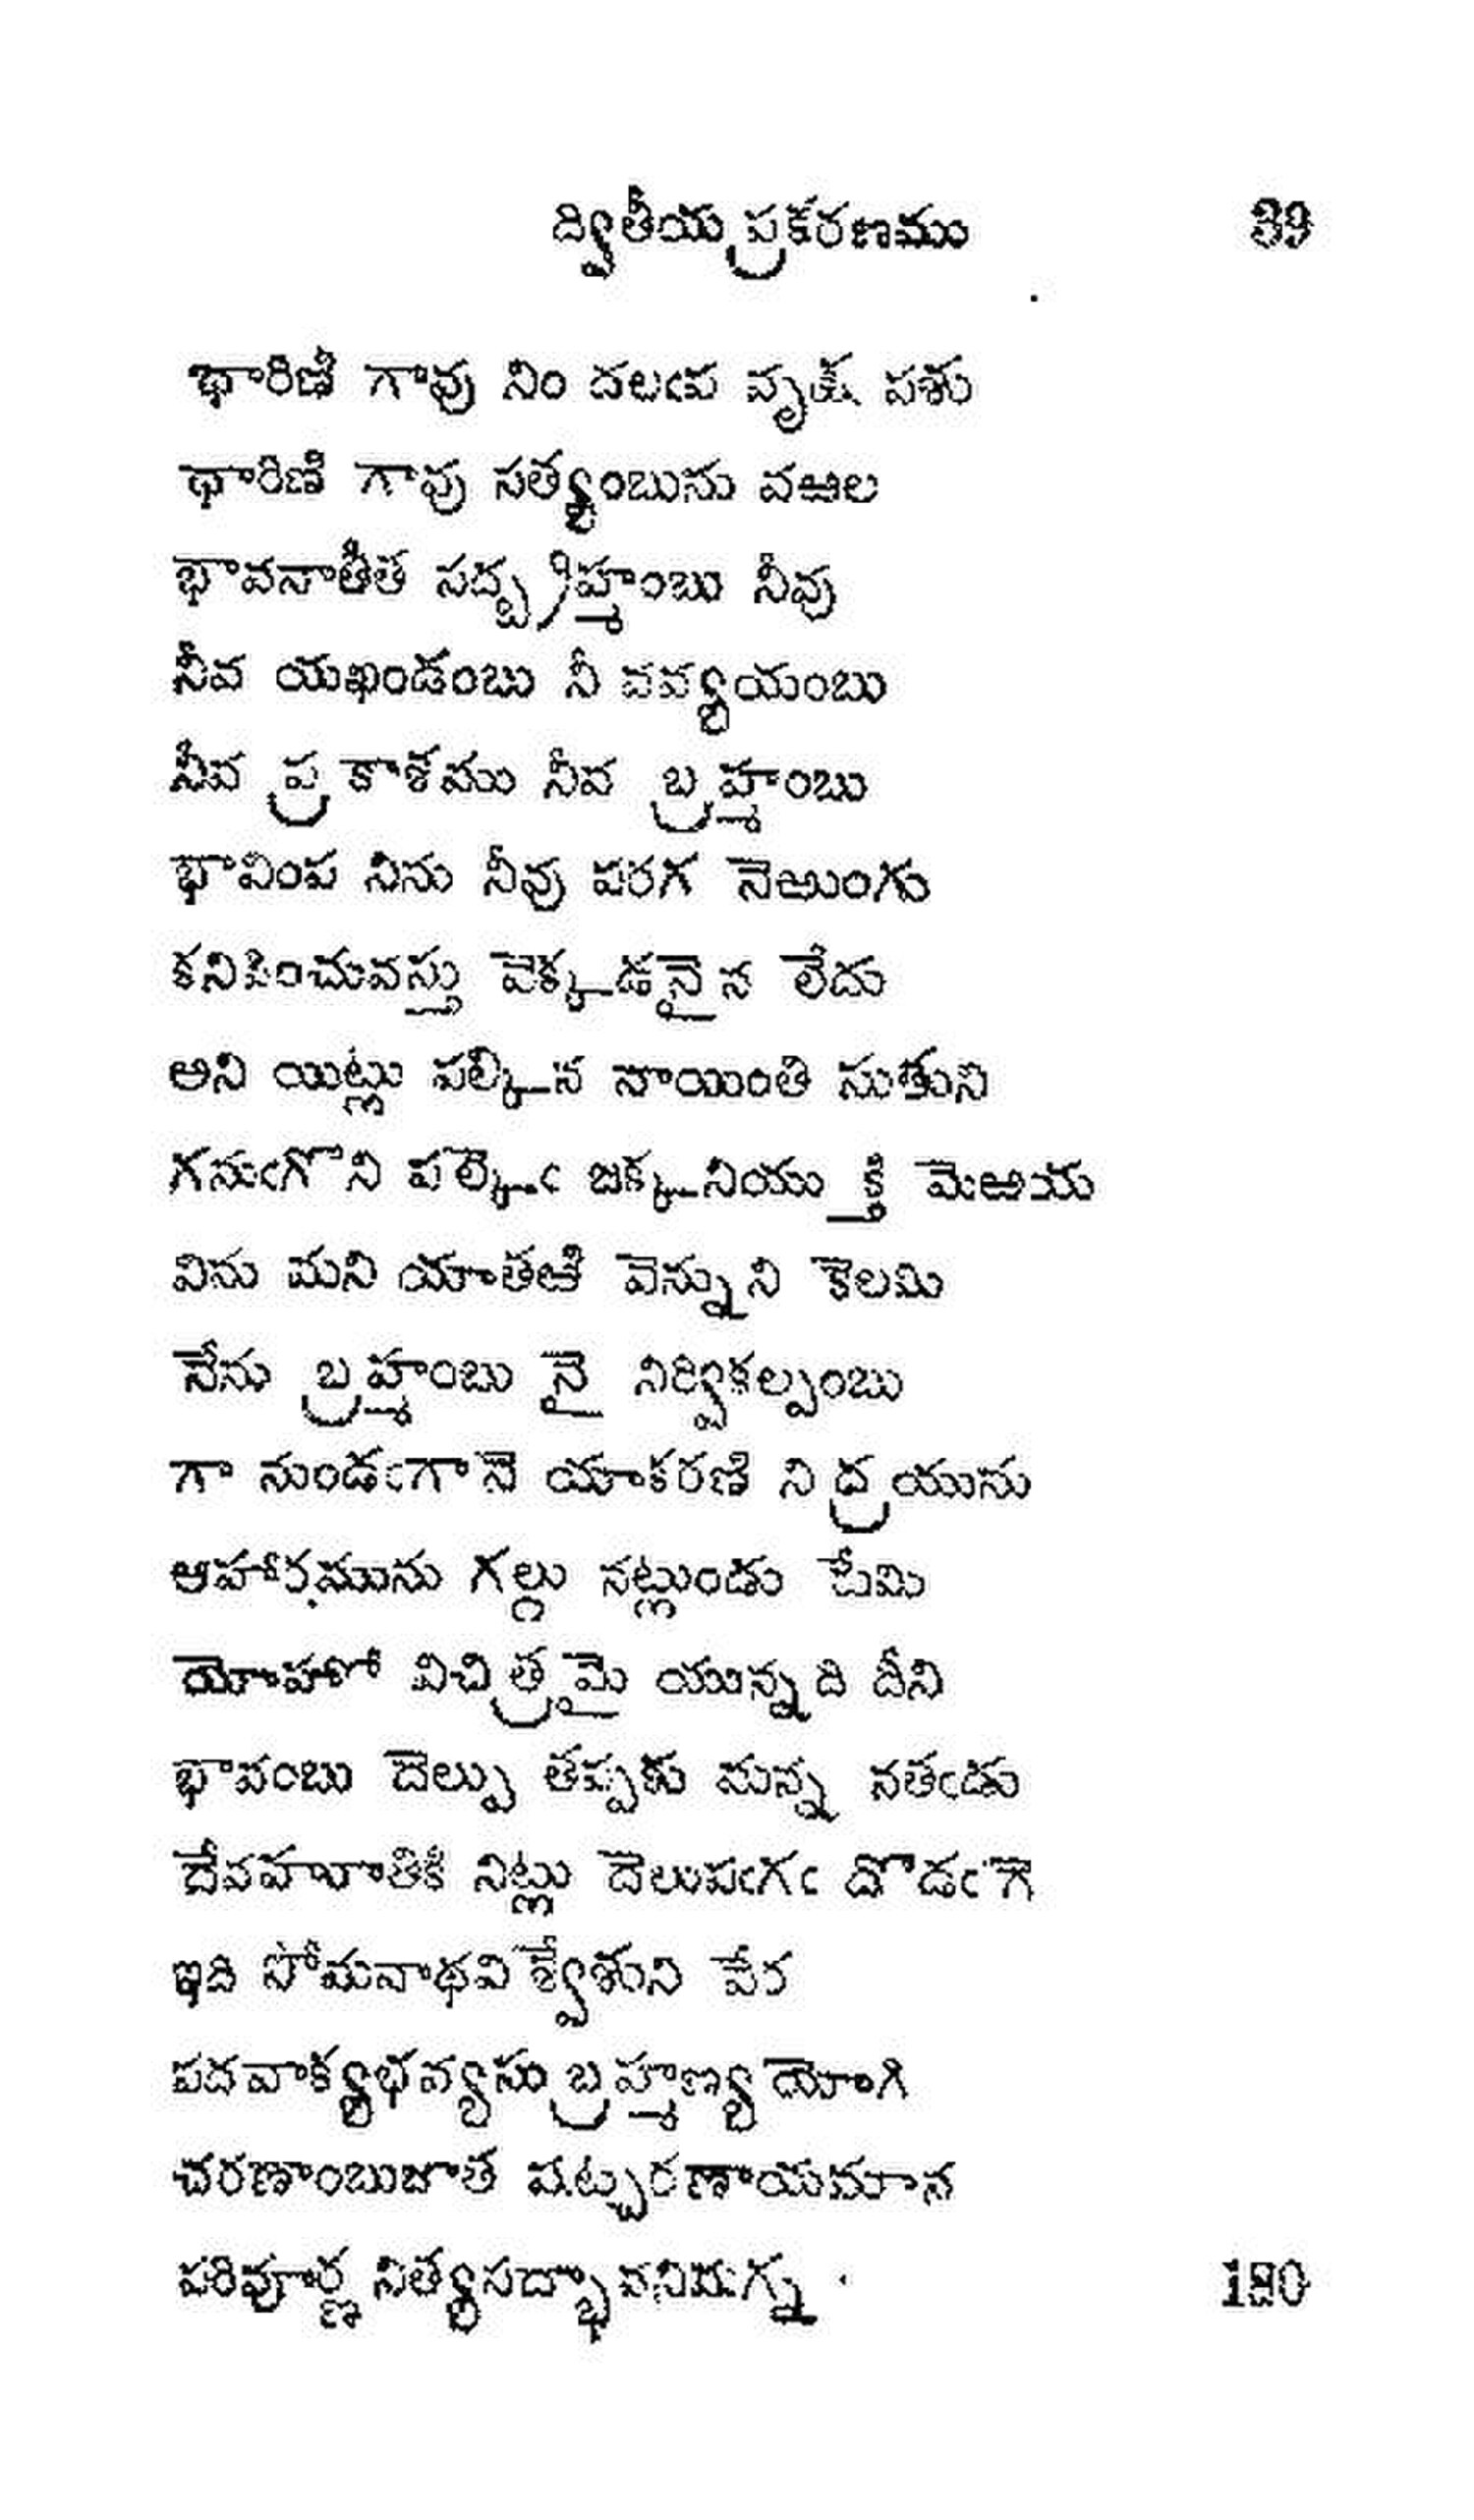ధారిణి గావు నిం దలఁప వృక్ష పశు
ధారిణి గావు సత్యంబును వఱల
భావనాతీత సద్బ్రహ్మంబు నీవు
నీవ యఖండంబు నీ వవ్యయంబు
నీవ ప్రకాశము నీవ బ్రహ్మంబు
భావింప నిను నీవు పరగ నెఱుంగు
కనిపించువస్తు వెక్కడనైన లేదు
అని యిట్లు పల్కిన నాయింతి సుతుని
గనుఁగొని పల్కెఁ జక్కనియుక్తి మెఱయ
విను మని యాతఱి వెన్నుని కెలమి
నేను బ్రహ్మంబు నై నిర్వికల్పంబు
గా నుండఁగానె యాకరణి నిద్రయును
ఆహారమును గల్గు నట్లుండు టేమి
యోహో విచిత్రమై యున్నది దీని
భావంబు దెల్పు తప్పకు మన్న నతఁడు
దేవహూతికి నిట్లు దెలుపఁగఁ దొడఁగె
ఇది సోమనాథవిశ్వేశుని పేర
పదవాక్యభవ్యసుబ్రహణ్యయోగి
చరణాంబుజాత షట్చరణాయమాన
పరిపూర్ణ నిత్యసద్భావనిమగ్న